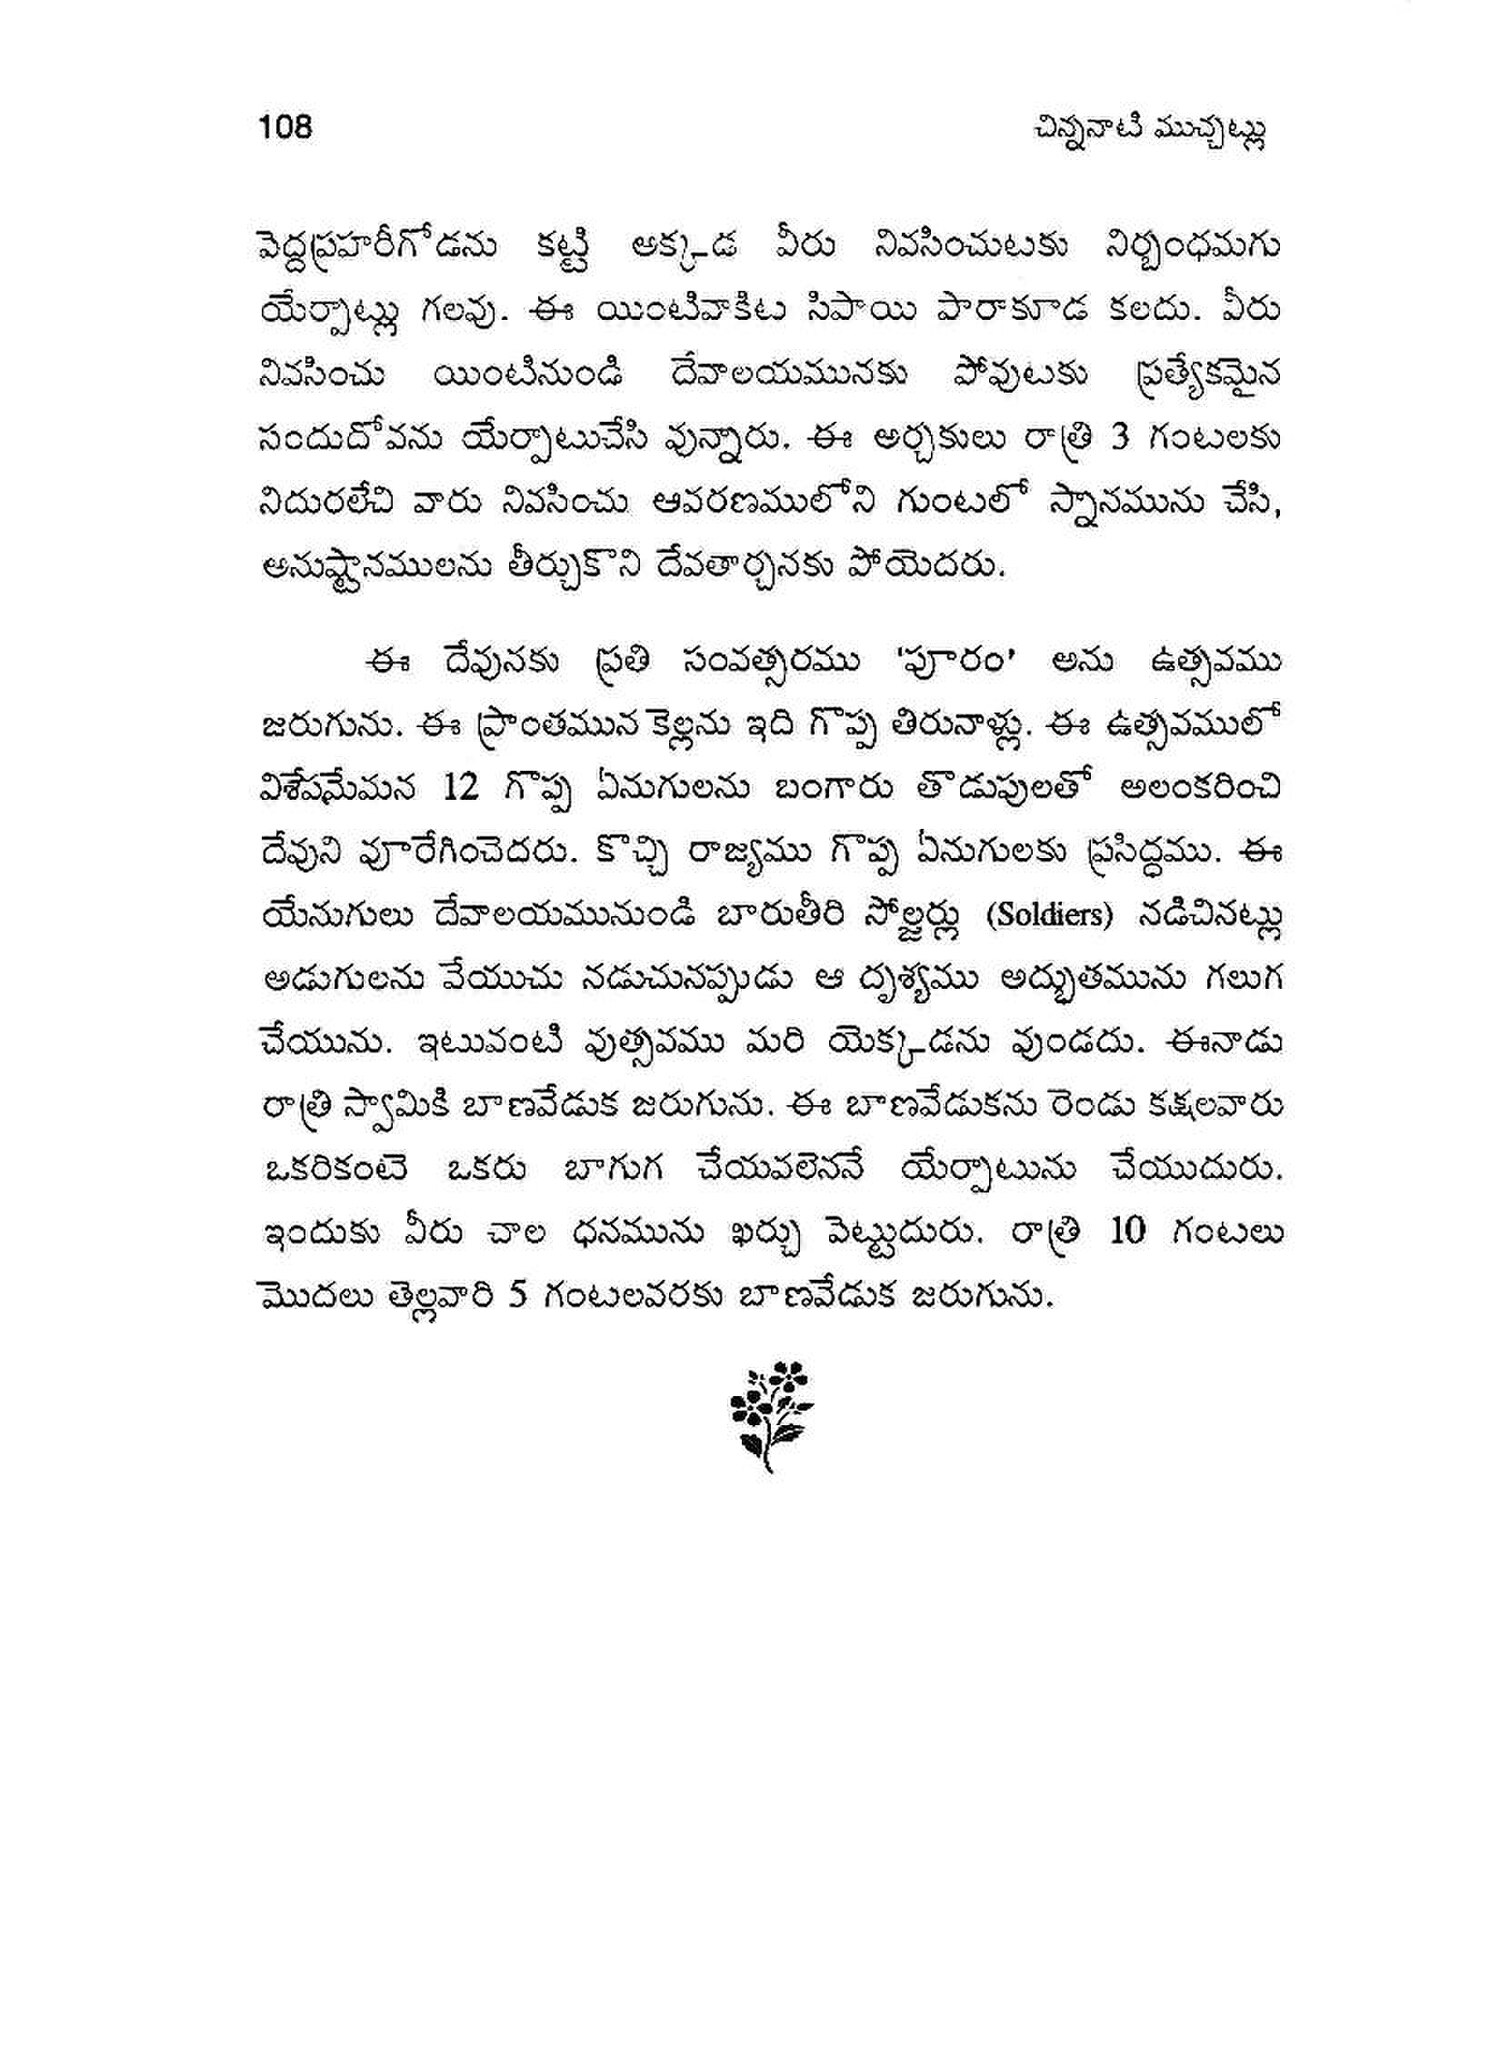పెద్దప్రహరీగోడను కట్టి అక్కడ వీరు నివసించుటకు నిర్బంధమగు యేర్పాట్లు గలవు. ఈ యింటివాకిట సిపాయి పారాకూడ కలదు. వీరు నివసించు యింటినుండి దేవాలయమునకు పోవుటకు ప్రత్యేకమైన సందుదోవను యేర్పాటుచేసి వున్నారు. ఈ అర్చకులు రాత్రి 3 గంటలకు నిదురలేచి వారు నివసించు ఆవరణములోని గుంటలో స్నానమును చేసి, అనుష్టానములను తీర్చుకొని దేవతార్చనకు పోయెదరు.

ఈ దేవునకు ప్రతి సంవత్సరము 'పూరం' అను ఉత్సవము జరుగును. ఈ ప్రాంతమున కెల్లను ఇది గొప్ప తిరునాళ్ళు. ఈ ఉత్సవములో విశేషమేమన 12 గొప్ప ఏనుగులను బంగారు తొడుపులతో అలంకరించి దేవుని వూరేగించెదరు. కొచ్చి రాజ్యము గొప్ప ఏనుగులకు ప్రసిద్ధము. ఈ యేనుగులు దేవాలయమునుండి బారుతీరి సోల్జర్లు (Soldiers) నడిచినట్టు అడుగులను వేయుచు నడుచునప్పుడు ఆ దృశ్యము అద్భుతమును గలుగ చేయును. ఇటువంటి వుత్సవము మరి యెక్కడను వుండదు. ఈనాడు రాత్రి స్వామికి బాణవేడుక జరుగును. ఈ బాణవేడుకను రెండు కక్షలవారు ఒకరికంటె ఒకరు బాగుగ చేయవలెననే యేర్పాటును చేయుదురు. ఇందుకు వీరు చాల ధనమును ఖర్చు పెట్టుదురు. రాత్రి 10 గంటలు మొదలు తెల్లవారి 5 గంటలవరకు బాణవేడుక జరుగును.